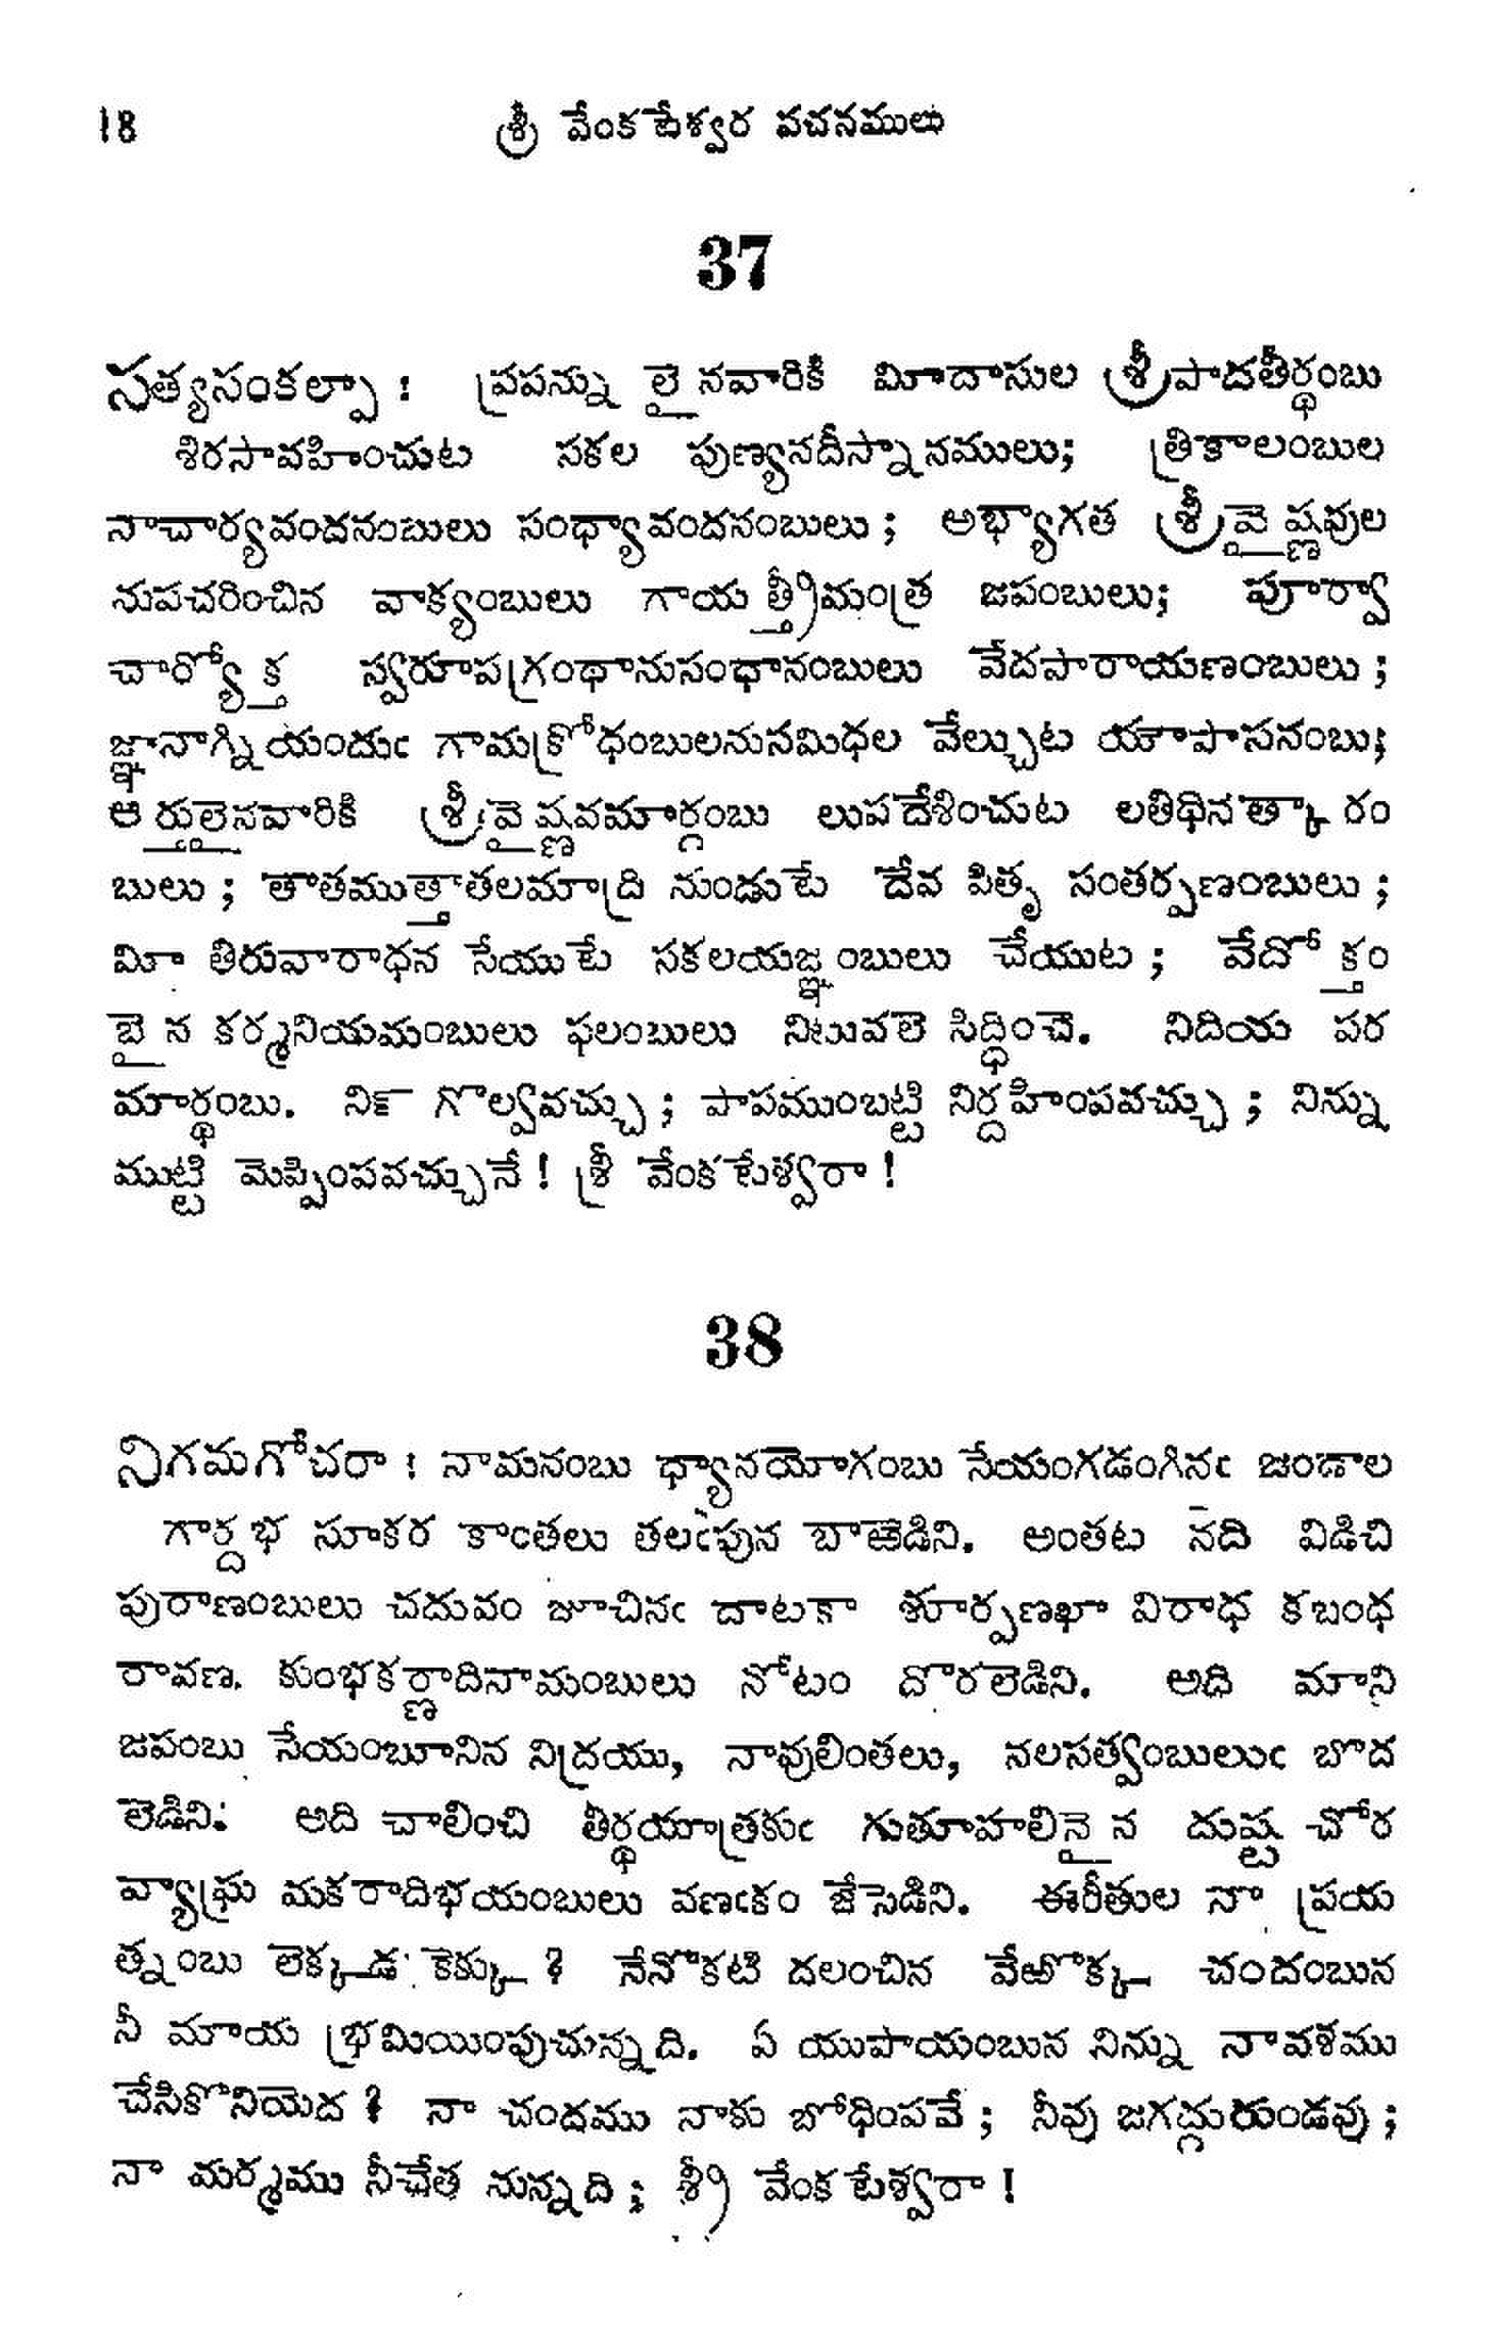37 

! ప్రపన్ను లైనవారికి మీదాసుల శ్రీపాదతీర్థంబు
శిరసావహించుట సకల పుణ్యనదీస్నానములు; త్రికాలంబుల నాచార్యవందనంబులు సంధ్యావందనంబులు; అభ్యాగత శ్రీవైష్ణవుల నుపచరించిన వాక్యంబులు గాయత్రిమంత్ర జపంబులు; పూర్వాచార్యోక్త స్వరూపగ్రంథానుసంధానంబులు వేదసారాయణంబులు; జ్ఞానాగ్నియందుఁ గామక్రోధంబులనుసమిధల వేల్చుట యౌపాసనంబు, ఆర్తులైనవారికి శ్రీవైష్ణవమార్గంబు లుప శించుట లతిధిసత్కారంబులు; తాతముత్తాతలమాద్రి నుండుటే దేవ పితృ సంతర్పణంబులు; మీ తిరువారాధన సేయుటే సకలయజ్ఞంబులు చేయుట; వేదోక్తంబైన కర్మనియమంబులు ఫలంబులు నిలువలె సిద్దించె. నిదియ పరమార్థంబు. నిన్ గొల్వవచ్చు; పాపముంబట్టి నిర్దహింపవచ్చు; నిన్ను ముట్టి మెప్పింపవచ్చునే! శ్రీ వేంకటేశ్వరా!

38 

! నామనంబు ధ్యానయోగంబు సేయంగడంగినఁ జండాల గార్దభ సూకర కాంతలు తలఁపున బాఱెడిని. అంతట నది విడిచి పురాణంబులు చదువం జూచినఁ దాటకా శూర్పణఖా విరాధ కబంధ రావణ కుంభకర్ణాదినామంబులు నోటం దొరలెడిని. అది మాని జపంబు సేయంబూనిన నిద్రయు, నావులింతలు, నలసత్వంబులుఁ బొదలెడిని. అది చాలించి తీర్థయాత్రకు గుతూహలినైన దుష్ట చోర వ్యాఘ్ర మకరాదిభయంబులు వణఁకం జేసెడిని. ఈరీతుల నా ప్రయత్నంబు లెక్కడ కెక్కు. నేనొకటి దలంచిన వేఱొక్క చందంబున నీ మాయ భ్రమియింపుచున్నది. ఏ యుపాయంబున నిన్ను నావశము చేసికొనియెద? నా చందము నాకు బోధింపవే; నీవు జగద్గురుండవు; నా మర్మము నీచేత నున్నది; శ్రీ వేంకటేశ్వరా!